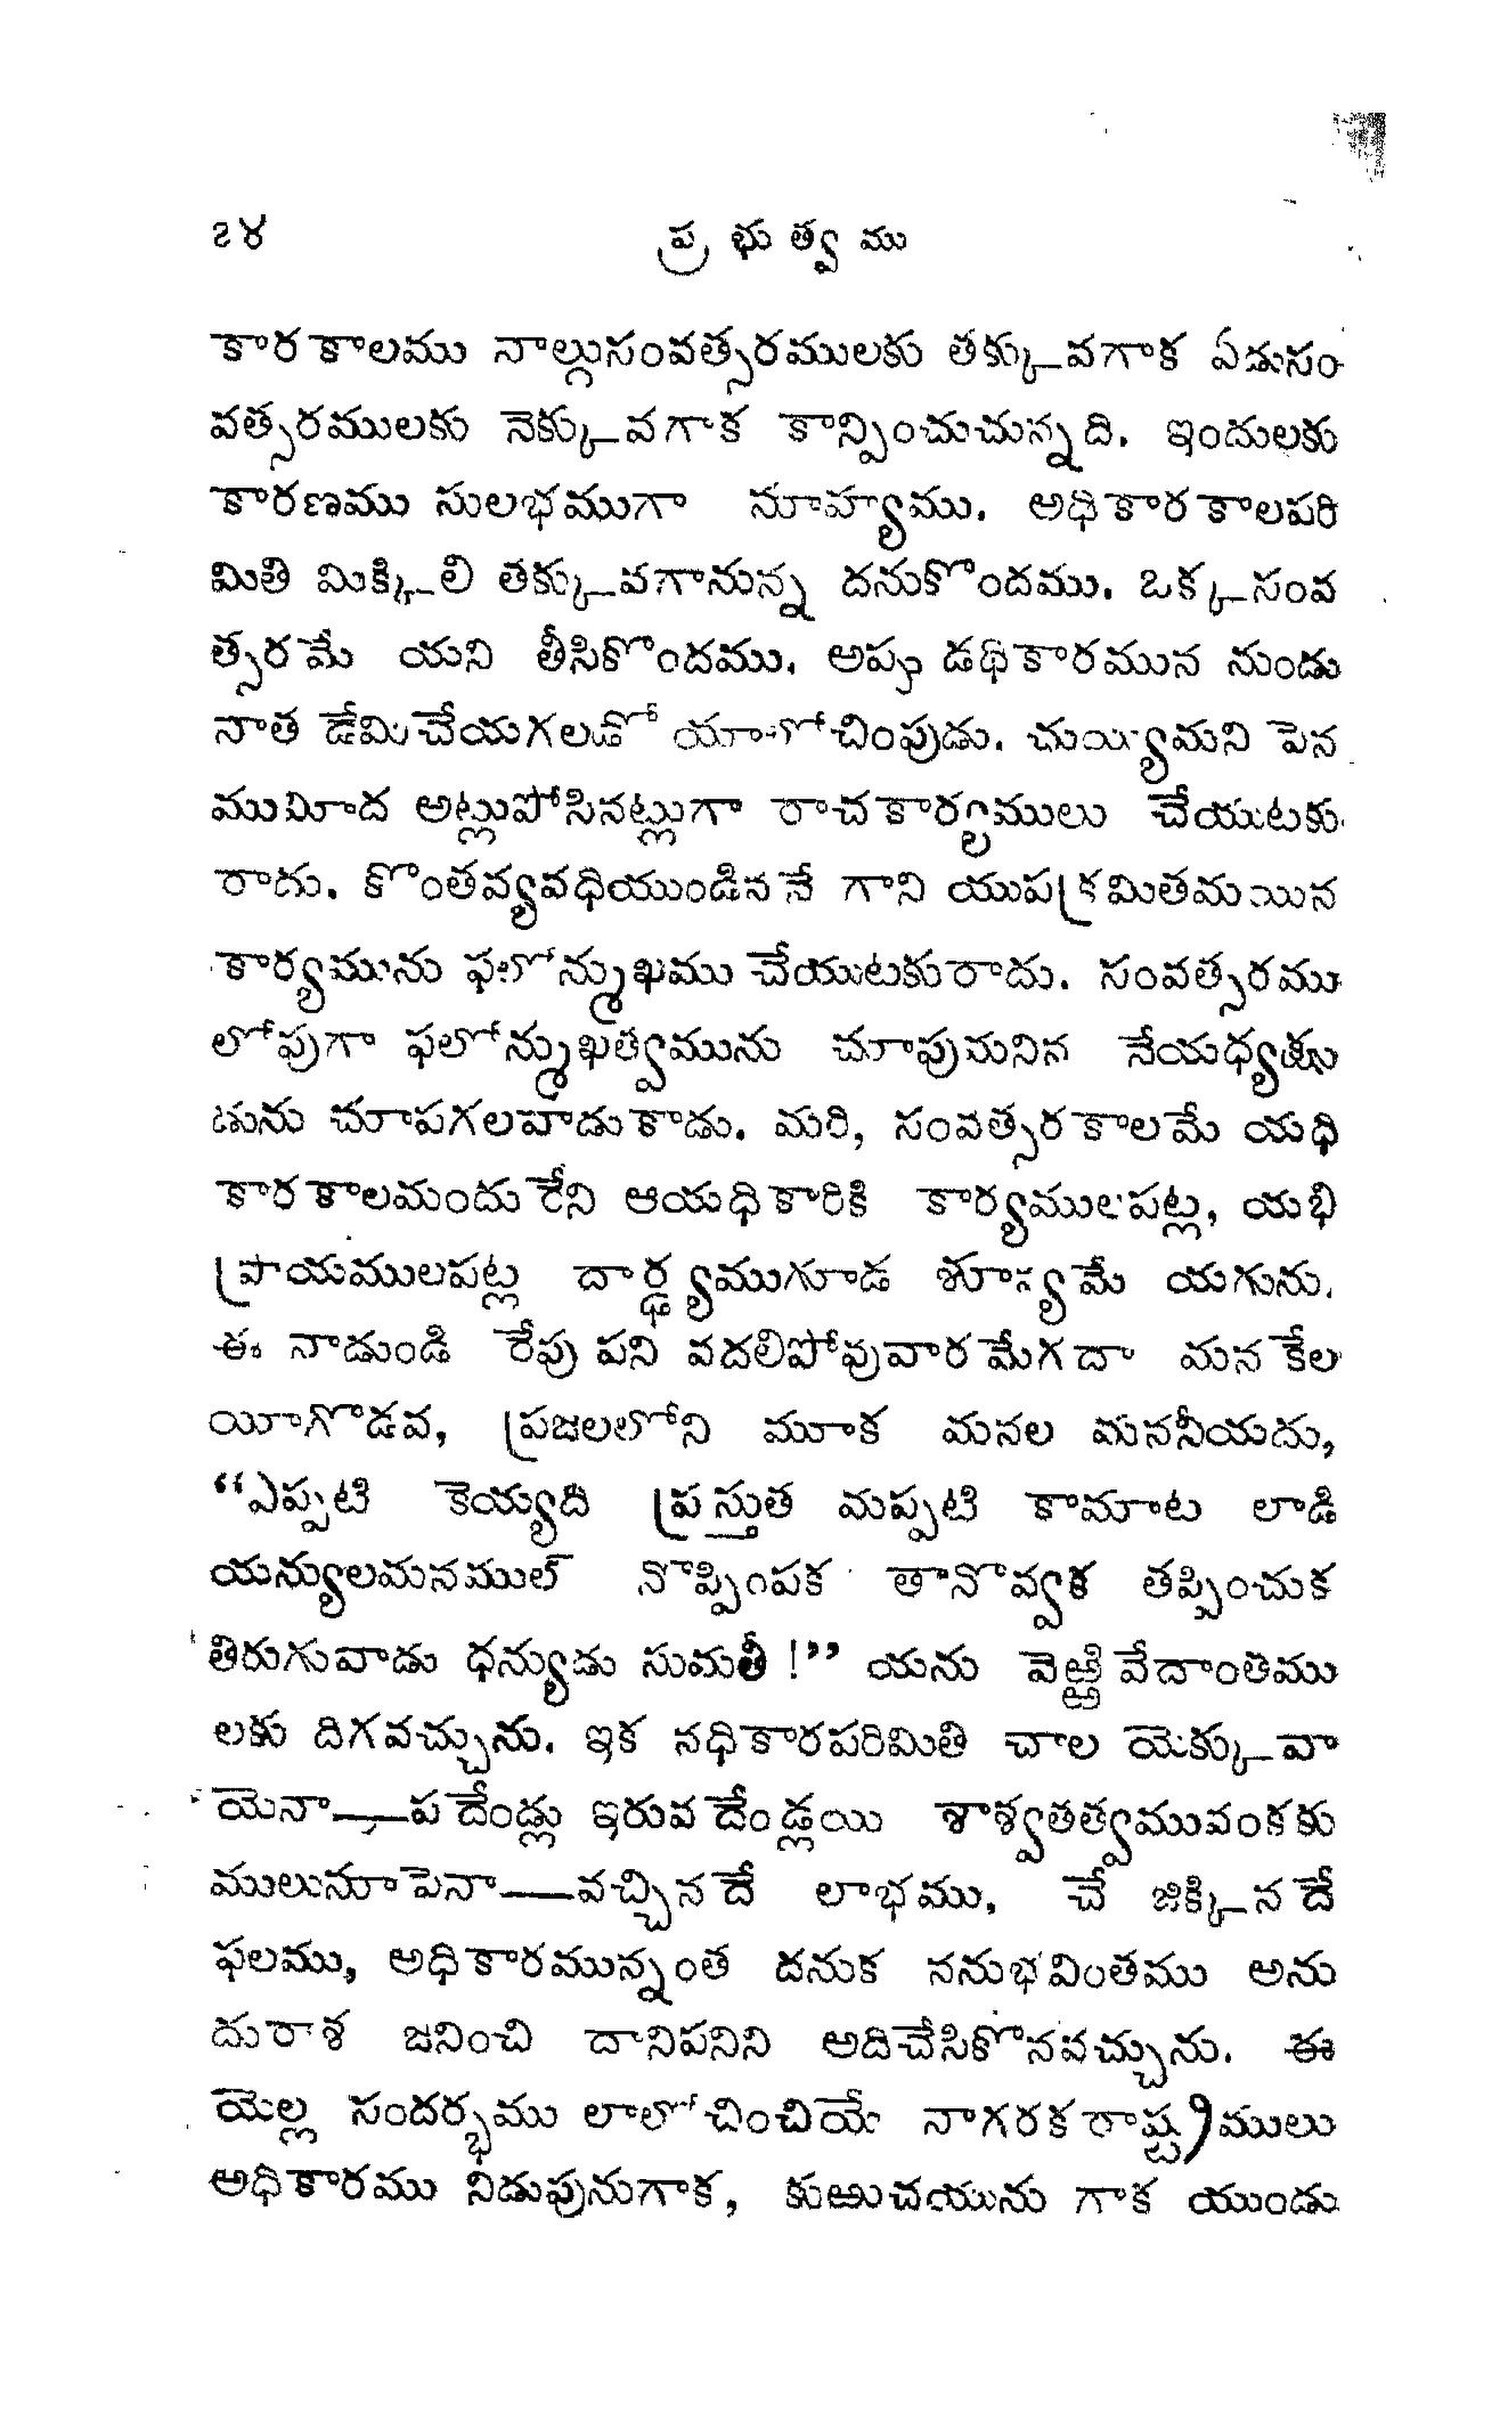కారకాలము నాల్గుసంవత్సరములకు తక్కువగాక ఏడుసంవత్సరములకు నెక్కువగాక కాన్పించు చున్నది. ఇందులకు కారణము సులభముగా నూహ్యము. అధికారకాలపరిమితి మిక్కిలి తక్కువగా నున్న దనుకొందము. ఒక్కసంవత్సరమే యని తీసికొందము, అప్పు డథికారమున నుండు నాత డేమిచేయగలడో యాలోచింపుడు. చుయ్యిమని పెనముమీద అట్లుపోసినట్లుగా రాచకార్యములు చేయుటకు రాదు. కొంతవ్యవధియుండిననే గాని యుపక్రమితమయిన కార్యమును ఫలోన్ముఖము చేయుటకురాదు. సంవత్సరములోపుగా ఫలోన్ముఖత్వమును చూపుమనిన నేయధ్యక్షుడును చూపగలవాడుకాడు. మరి, సంవత్సరకాలమే యధికారకాలమందు రేని ఆయధికారికి కార్యములపట్ల, యభిప్రాయములపట్ల దార్ఢ్యముగూడ శూన్యమే యగును. ఈ నాడుండి రేపు పని వదలిపోవువార మేగదా మనకేల యీగొడవ, ప్రజలలోని మూక మనల మననీయదు, “ఎప్పటి కెయ్యది ప్రస్తుత మప్పటి కామాట లాడి యన్యులమనముల్ నొప్పింపక తానొవ్వక తప్పించుక తిరుగువాడు ధన్యుడు సుమతీ !" యను వెఱ్ఱి వేదాంతములకు దిగవచ్చును. ఇక నధికారపరిమితి చాల యెక్కువాయెనా-పదేండ్లు ఇరువదేండ్లయి శాశ్వతత్వమువంకకుములునూపెనా— వచ్చినదే లాభము, చే జిక్కినదే
ఫలము, అధికారమున్నంత దనుక ననుభవింతము అను దురాశ జనించి దానిపనిని అదిచేసికొన వచ్చును. ఈ యెల్ల సందర్భము లాలోచించియే నాగరకరాష్ట్రములు అధికారము నిడుపునుగాక, కుఱుచయును గాక యుండు